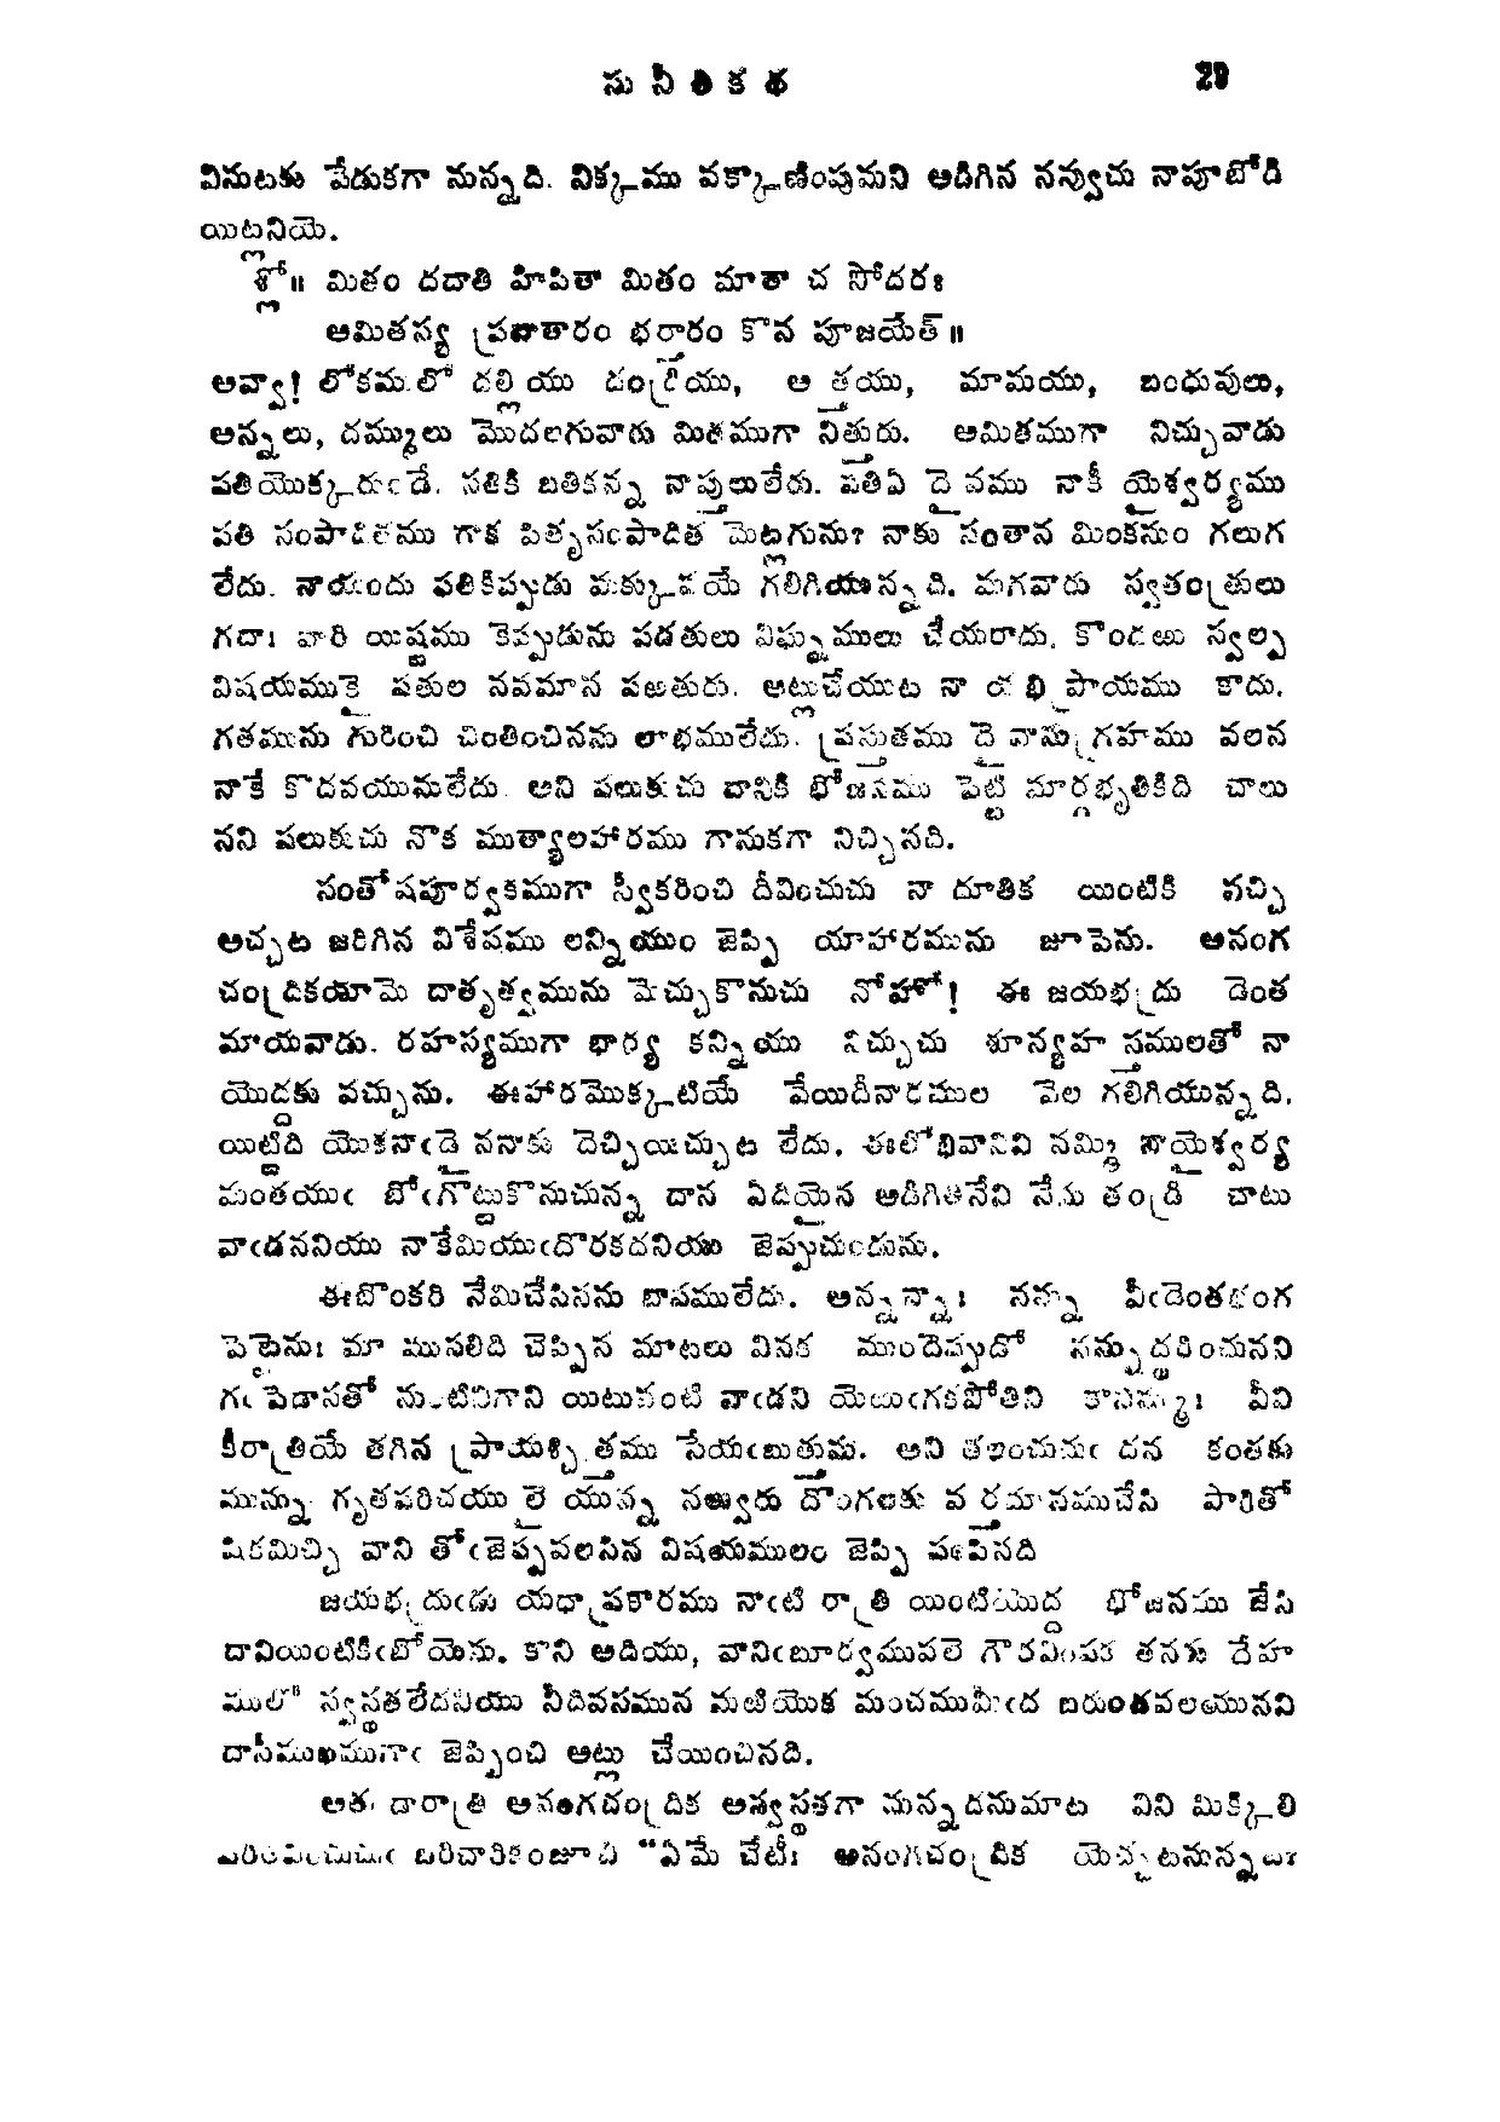వినుటకు వేడుకగా నున్నది. నిక్కము వక్కాణింపుమని అడిగిన నవ్వుచు నాపూబోడి యిట్లనియె.

శ్లో॥ మితం దదాతి హిపితా మితం మాతా చ సోదరః
 ఆమితస్య ప్రణాతారం భర్తారం కొన పూజయేత్ ॥
అవ్వా! లోకములో దల్లి యు దండ్రియు, అత్తయు, మామయు, బంధువులు, అన్నలు, దమ్ములు మొదలగువారు మితముగా నిత్తురు. అమితముగా నిచ్చువాడు పతియొక్క రుండే. సతికి బతికన్న నాప్తులులేరు. పతిఏ దైవము నాకీ యైశ్వర్యము పతి సంపాదితము గాక పితృసంపాదిత మెట్లగును? నాకు సంతాన మింకనుం గలుగలేదు. నాయందు పతికిప్పుడు మక్కువయే గలిగియున్నది. మగవారు స్వతంత్రులు గదా! వారి యిష్టము కెప్పుడును పడతులు విఘ్నములు చేయరాదు. కొందఱు స్వల్పవిషయముకై పతుల నవమానపఱతురు. అట్లుచేయుట నా యభిప్రాయము కాదు. గతమును గురించి చింతించినను లాభములేదు. ప్రస్తుతము దైవానుగ్రహము వలన నాకే కొదవయునులేదు. అని పలుకుచు దానికి భోజనము పెట్టి మార్గభృతికిది చాలునని పలుకుచు నొకముత్యాలహారము గానుకగా నిచ్చినది.

సంతోషపూర్వకముగా స్వీకరించి దీవించుచు నా దూతిక యింటికి వచ్చి అచ్చట జరిగిన విశేషము లన్నియుం జెప్పి యాహారమును జూపెను. అనంగచంద్రిక యామె దాతృత్వమును మెచ్చుకొనుచు నోహో! ఈ జయభద్రు డెంత మాయవాడు. రహస్యముగా భార్య కన్నియు నిచ్చుచు శూన్యహస్తములతో నాయొద్దకు వచ్చును. ఈహారమొక్కటియే వేయిదీనారముల వెల గలిగియున్నది. యిట్టిది యొకనాఁడైన నాకు దెచ్చియిచ్చుట లేదు. ఈ లోభివానిని నమ్మి నాయైశ్వర్య మంతయుఁ బోఁగొట్టుకొనుచున్నదాన ఏదియైన అడిగితినేని నేను తండ్రిచాటువాఁడ ననియు నా కేమియుఁ దొరకదనియు జెప్పుచుండును.

ఈ బొంకరి నేమిచేసినను బాపములేదు. అన్నన్నా! నన్ను వీఁ డెంతభంగపెట్టెను! మా ముసలిది చెప్పిన మాటలు వినక ముందెప్పుడో నన్నుద్ధరించునని గంపెడాసతో నుంటినిగాని యిటువంటివాఁడని యెఱుఁగకపోతిని కానిమ్ము! వీని కీరాత్రియే తగిన ప్రాయశ్చిత్తము సేయఁబుత్తును. అని తలంచుచుఁ దన కంతకు మున్ను గృతపరిచయు లై యున్న నల్వురు దొంగలకు వర్తమానముచేసి పారితోషికమిచ్చి వానితోఁ జెప్పవలసిన విషయములం జెప్పి పంపినది.

జయభద్రుఁడు యథాప్రకారము నాఁటిరాత్రి యింటియొద్ద భోజనము జేసి దానియింటికిఁబోయెను. కాని అదియు వానిఁ బూర్వమువలె గౌరవింపక తనకు దేహములో స్వస్థతలేదనియు నీదివసమున మఱియొక మంచముమీఁద బరుండవలయునని దాసీముఖముగాఁ జెప్పించి అట్లు చేయించినది.

అతఁ డారాత్రి అనంగచంద్రిక అస్వస్థతగా నున్నదనుమాట విని మిక్కలి బరితపించుచుఁ బరిచారికంజూచి "ఏమే చేటీ! అనంగచంద్రిక యెచ్చటనున్నది?